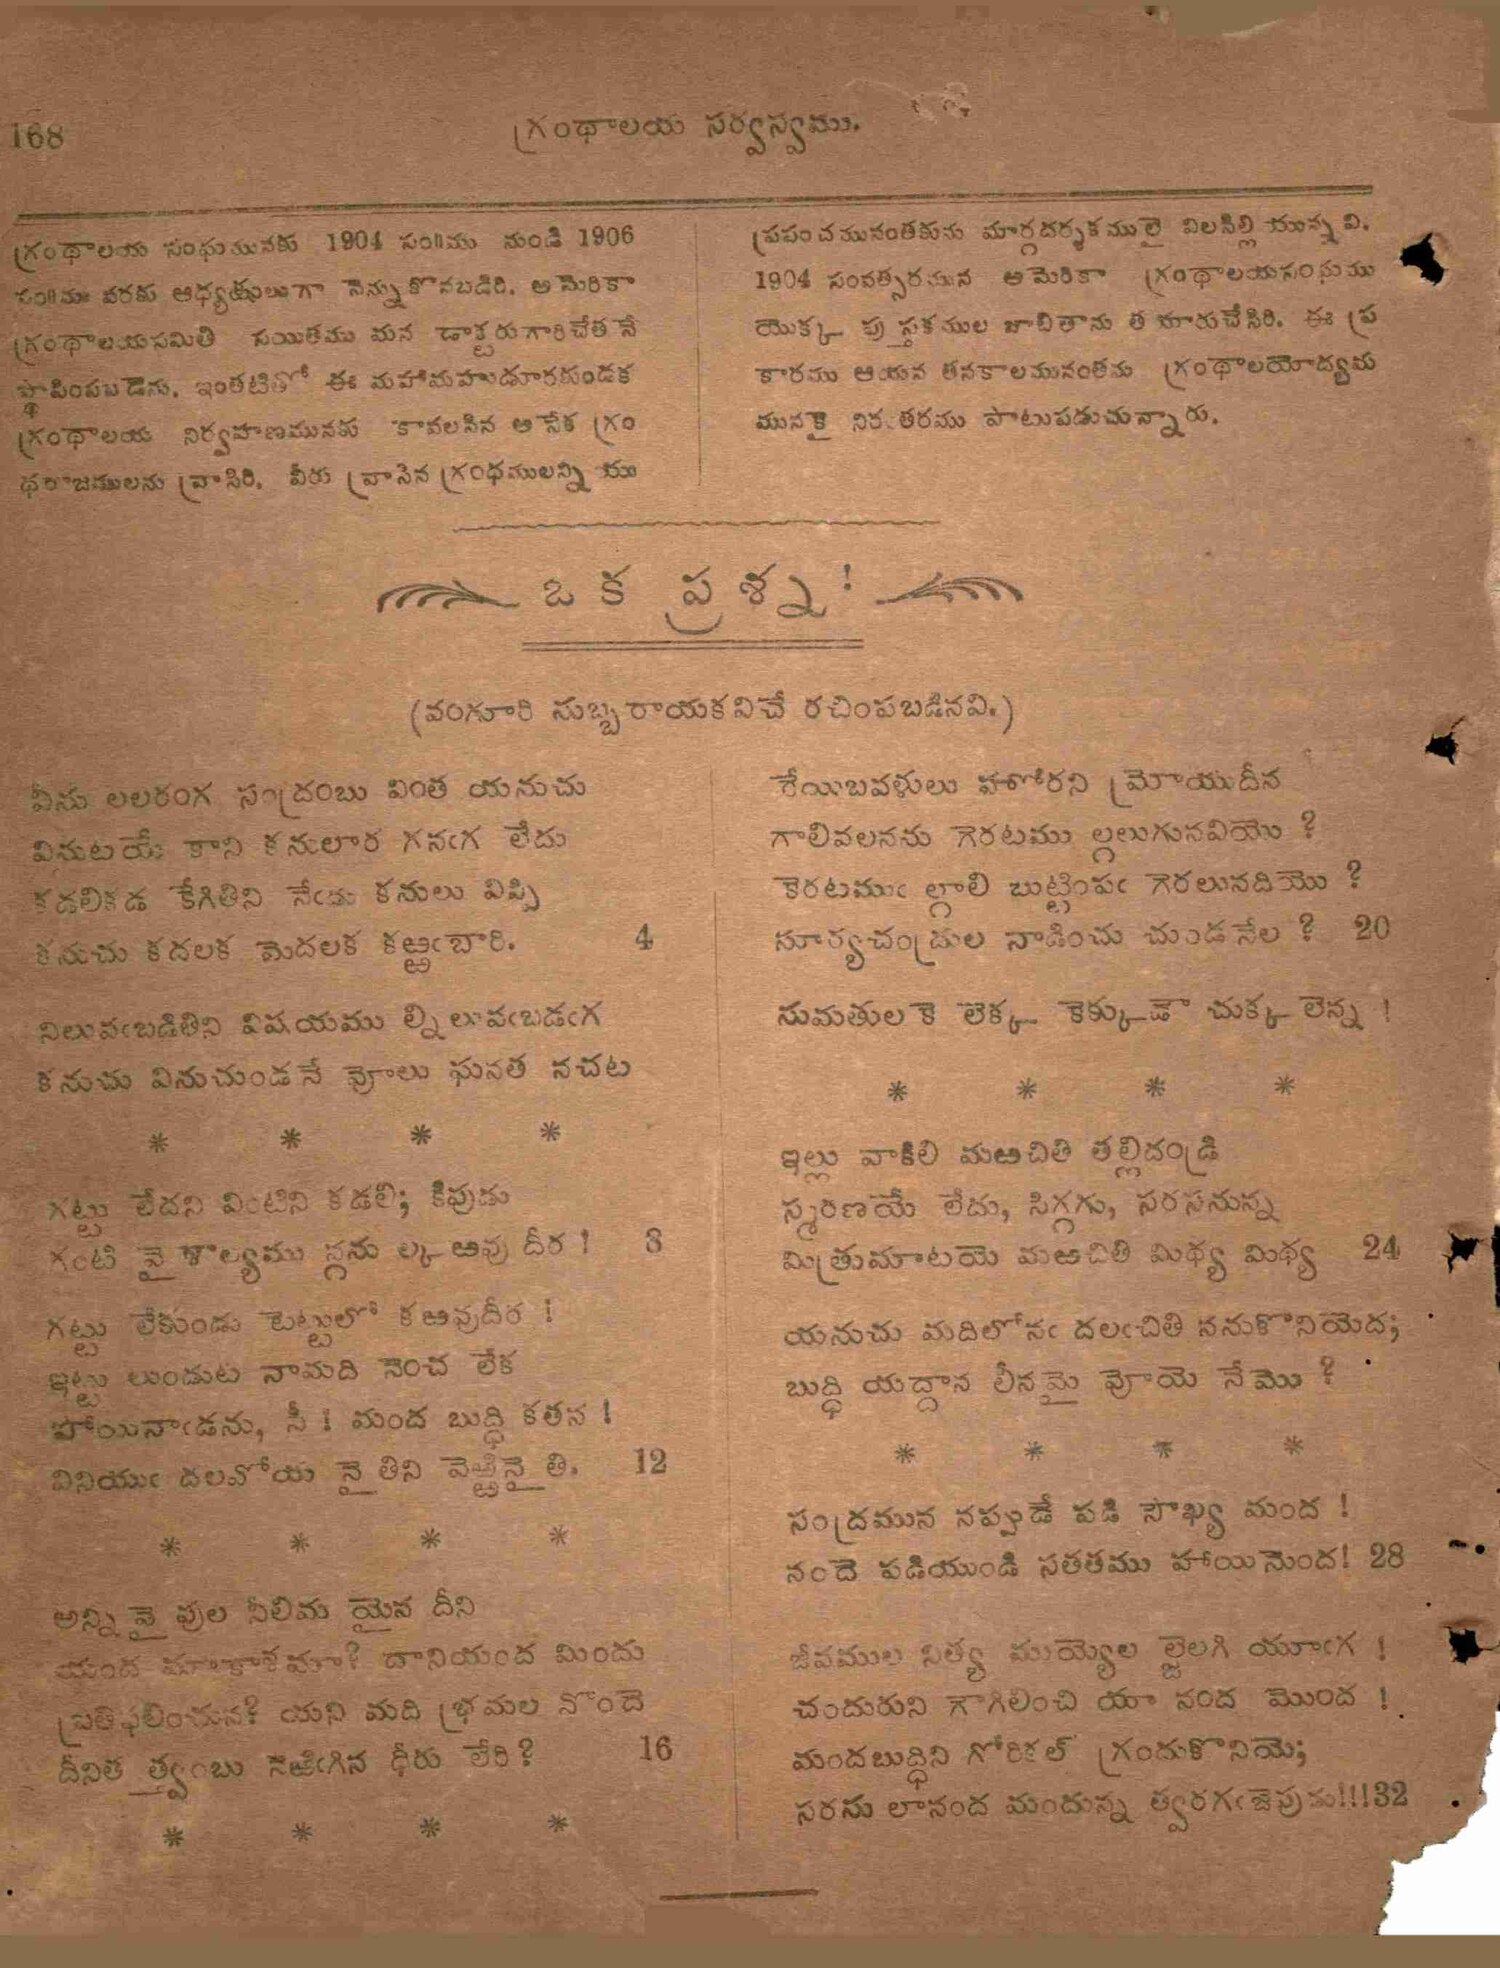గ్రంథాలయ సంఘమునకు 1904 సం॥ము నుండి 1906వ సం.వరకు అధ్యక్షులుగా నెన్నుకొనబడిరి. అమెరికా గ్రంథాలయ సమితి సయితము మన డాక్టరుగారి చే
స్థాపింపబడెను. ఇంతటితో ఈ మహామహుడూరకుండక
గ్రంథాలయ నిర్వహణమునకు కావలసిన అనేక గ్రంధరాజములను వ్రాసిరి, వీరు వ్రాసిన గ్రంధములన్నియు 
ప్రపంచమునంతకును మార్గదర్శకములై విలసిల్లి యున్నవి.
1904 సంవత్సరమున అమెరికా గ్రంథాలయసంఘము
యొక్క పుస్తకముల జాబితాను తయారుచేసిరి. ఈ ప్రకారము ఆయన తనకాలమునంతను గ్రంథాలయోద్యముమునకై నిరంతరము పాటుపడుచున్నారు.

ఒక ప్రశ్న:
(వంగూరి సుబ్బరాయకవిచే రచింపబడినవి.)
వీను లలరంగ సంద్రంబు వింత యనుచు
వినుటయే కాని కనులార గనఁగ లేదు.
కడలికడ కేగితిని నేఁడు కనులు విప్పి
కనుచు కదలక మెదలక కట్టిఁబారి.

నిలువఁబడితిని విషయము లిలువఁబడఁగ
కనుచు వినుచుండనే పూలు ఘనత నచట
 * * *
గటు లేదని వింటిని కడలి; కిపుడు
గంటి వైశాల్యము నను ల్క ఆవు దీర !
గట్టు లేకుండు పెట్టులో కఱవుదీర !
ఇట్టు లుండుట నామది నెంచ లేక
పోయినాఁడను, సీ! మంద బుద్ది కతన !
వినియుఁ దలవోయ నై తిని వెట్టినై తి.

అన్ని వైపుల నీలిమ యైన దీని
యంద మాకాశమా? దానియంద మిందు
బ్రతిఫలించున? యని మది భ్రమల నొందె
నెఱిఁగిన ధీరు లేరి?
దీనిత
రేయిబవళులు హోరని మ్రోయుదీన
గాలివలనను గెరటము అలుగునవి ?
కెరటముఁ లాలి బుట్టింపఁ గెరలునది
సూర్యచంద్రుల నాడించు చుండనేల ? 20
?
సుమతుల కె లెక్క కెక్కుడా చుక్క లెన్న!
ఇల్లు వాకిలి మఱచితి తల్లిదండ్రి
స్మరణయే లేదు, సిగ్గగు, సరసనున్న
మిత్రుమాటయె మఱచితి మిథ్య మిధ్య 24
యనుచు మదిలోనఁ దలఁచితి ననుకొనియెద;
బుద్ధి యద్ధాన లీనమై వెూయె నేమొ ? :

సంద్రమున నప్పుడే పడి సౌఖ్య మంద !
నందె పడియుండి సతతము హాయిమెంద! 28
జీవముల నిత్య ముయ్యెల లైలిగి యూఁగ !
చందురుని గౌగిలించి యా నంద మొంద !
మందబుద్దిని గోరికల్ గ్రందుకొనియె;
సరసు లానంద మందున్న త్వరగఁ జెపుడు !1132